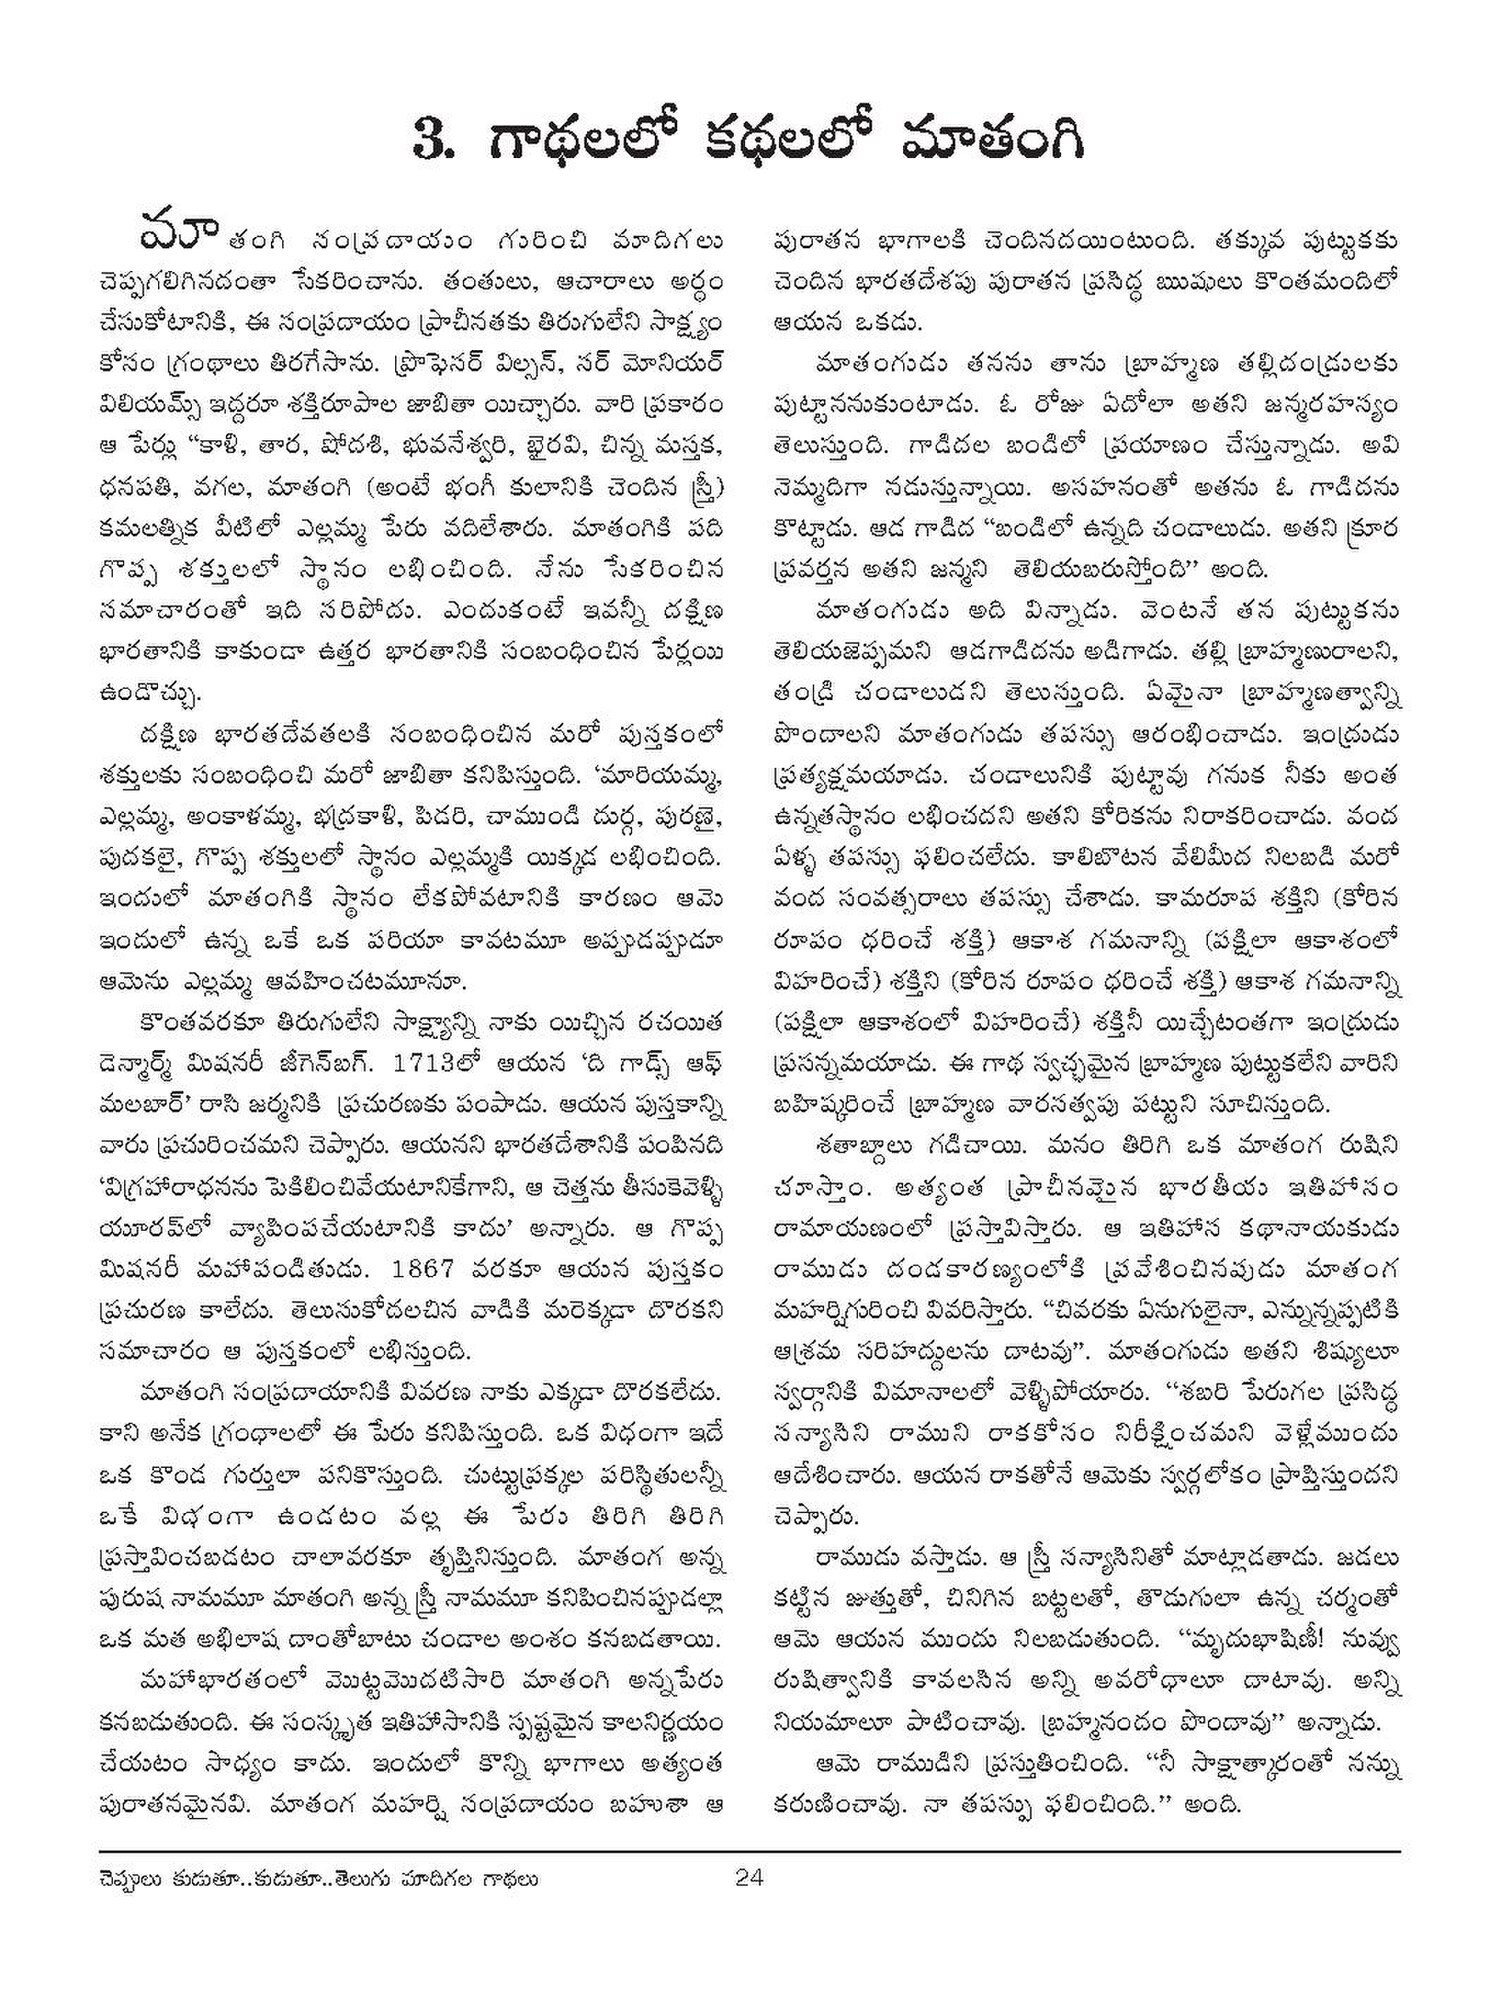3. గాథలలో కథలలో మాతంగి

తంగి సంప్రదాయం గురించి మాదిగలు
చెప్పగలిగినదంతా సేకరించాను. తంతులు, ఆచారాలు అర్థం
చేసుకోటానికి, ఈ సంప్రదాయం ప్రాచీనతకు తిరుగులేని సాక్ష్యం
కోసం గ్రంథాలు తిరగేసాను. ప్రొఫెసర్ విల్సన్, సర్ మోనియర్
విలియమ్స్ ఇద్దరూ శక్తిరూపాల జాబితా యిచ్చారు. వారి ప్రకారం
ఆ పేర్లు "కాళి, తార, షోదశి, భువనేశ్వరి, భైరవి, చిన్న మస్తక,
ధనపతి, వగల, మాతంగి (అంటే భంగీ కులానికి చెందిన
కమలత్నిక వీటిలో ఎల్లమ్మ పేరు వదిలేశారు. మాతంగికి పది
గొప్ప శక్తులలో స్థానం లభించింది. నేను సేకరించిన
సమాచారంతో ఇది సరిపోదు. ఎందుకంటే ఇవన్నీ దక్షిణ
భారతానికి కాకుండా ఉత్తర భారతానికి సంబంధించిన పేర్లయి
ఉండొచ్చు.

దక్షిణ భారతదేవతలకి సంబంధించిన మరో పుస్తకంలో
శక్తులకు సంబంధించి మరో జాబితా కనిపిస్తుంది. 'మారియమ్మ,
ఎల్లమ్మ, అంకాళమ్మ, భద్రకాళి, పిడరి, చాముండి దుర్గ, పురణై,
పుదకలై, గొప్ప శక్తులలో స్థానం ఎల్లమ్మకి యిక్కడ లభించింది.
ఇందులో మాతంగికి స్థానం లేకపోవటానికి కారణం ఆమె
ఇందులో ఉన్న ఒకే ఒక పరియా కావటమూ అప్పుడప్పుడూ
ఆమెను ఎల్లమ్మ ఆవహించటమూనూ.

కొంతవరకూ తిరుగులేని సాక్ష్యాన్ని నాకు యిచ్చిన రచయిత
డెన్మార్క్ మిషనరీ జీగెన్బగ్. 1713లో ఆయన 'ది గాడ్స్ ఆఫ్
మలబార్' రాసి జర్మనికి ప్రచురణకు పంపాడు. ఆయన పుస్తకాన్ని
వారు ప్రచురించమని చెప్పారు. ఆయనని భారతదేశానికి పంపినది
'విగ్రహారాధనను పెకిలించివేయటానికేగాని, ఆ చెత్తను తీసుకెవెళ్ళి
యూరప్ లో వ్యాపింపచేయటానికి కాదు' అన్నారు. ఆ గొప్ప
మిషనరీ మహాపండితుడు. 1867 వరకూ ఆయన పుస్తకం
ప్రచురణ కాలేదు. తెలుసుకోదలచిన వాడికి మరెక్కడా దొరకని
సమాచారం ఆ పుస్తకంలో లభిస్తుంది.

మాతంగి సంప్రదాయానికి వివరణ నాకు ఎక్కడా దొరకలేదు.
కాని అనేక గ్రంధాలలో ఈ పేరు కనిపిస్తుంది. ఒక విధంగా ఇదే
ఒక కొండ గుర్తులా పనికొస్తుంది. చుట్టుప్రక్కల పరిస్థితులన్నీ
ఒకే విధంగా ఉండటం వల్ల ఈ పేరు తిరిగి తిరిగి
ప్రస్తావించబడటం చాలావరకూ తృప్తినిస్తుంది. మాతంగ అన్న
పురుష నామమూ మాతంగి అన్న స్త్రీ నామమూ కనిపించినప్పుడల్లా
ఒక మత అభిలాష దాంతోబాటు చండాల అంశం కనబడతాయి.

మహాభారతంలో మొట్టమొదటిసారి మాతంగి అన్నపేరు
కనబడుతుంది. ఈ సంస్కృత ఇతిహాసానికి స్పష్టమైన కాలనిర్ణయం
చేయటం సాధ్యం కాదు. ఇందులో కొన్ని భాగాలు అత్యంత
పురాతనమైనవి. మాతంగ మహర్షి సంప్రదాయం బహుశా ఆ
పురాతన భాగాలకి చెందినదయింటుంది. తక్కువ పుట్టుకకు
చెందిన భారతదేశపు పురాతన ప్రసిద్ధ ఋషులు కొంతమందిలో
ఆయన ఒకడు.
మాతంగుడు తనను తాను బ్రాహ్మణ తల్లిదండ్రులకు
పుట్టాననుకుంటాడు. ఓ రోజు ఏదోలా అతని జన్మరహస్యం
తెలుస్తుంది. గాడిదల బండిలో ప్రయాణం చేస్తున్నాడు. అవి
నెమ్మదిగా నడుస్తున్నాయి. అసహనంతో అతను ఓ గాడిదను
కొట్టాడు. ఆడ గాడిద "బండిలో ఉన్నది చండాలుడు. అతని క్రూర
ప్రవర్తన అతని జన్మని తెలియబరుస్తోంది" అంది.

మాతంగుడు అది విన్నాడు. వెంటనే తన పుట్టుకను
తెలియజెప్పమని ఆడగాడిదను అడిగాడు. తల్లి బ్రాహ్మణురాలని,
తండ్రి చండాలుడని తెలుస్తుంది. ఏమైనా బ్రాహ్మణత్వాన్ని
పొందాలని మాతంగుడు తపస్సు ఆరంభించాడు. ఇంద్రుడు
ప్రత్యక్షమయాడు. చండాలునికి పుట్టావు గనుక నీకు అంత
ఉన్నతస్థానం లభించదని అతని కోరికను నిరాకరించాడు. వంద
ఏళ్ళ తపస్సు ఫలించలేదు. కాలిబొటన వేలిమీద నిలబడి మరో
వంద సంవత్సరాలు తపస్సు చేశాడు. కామరూప శక్తిని (కోరిన
రూపం ధరించే శక్తి) ఆకాశ గమనాన్ని (పక్షిలా ఆకాశంలో
విహరించే) శక్తిని (కోరిన రూపం ధరించే శక్తి) ఆకాశ గమనాన్ని
(పక్షిలా ఆకాశంలో విహరించే) శక్తినీ యిచ్చేటంతగా ఇంద్రుడు
ప్రసన్నమయాడు. ఈ గాథ స్వచ్ఛమైన బ్రాహ్మణ పుట్టుకలేని వారిని
బహిష్కరించే బ్రాహ్మణ వారసత్వపు పట్టుని సూచిస్తుంది.

శతాబ్దాలు గడిచాయి. మనం తిరిగి ఒక మాతంగ రుషిని
చూస్తాం. అత్యంత ప్రాచీనమైన భారతీయ ఇతిహాసం
రామాయణంలో ప్రస్తావిస్తారు. ఆ ఇతిహాస కథానాయకుడు
రాముడు దండకారణ్యంలోకి ప్రవేశించినపుడు మాతంగ
మహర్షిగురించి వివరిస్తారు. “చివరకు ఏనుగులైనా, ఎన్నున్నప్పటికి
ఆశ్రమ సరిహద్దులను దాటవు". మాతంగుడు అతని శిష్యులూ
స్వర్గానికి విమానాలలో వెళ్ళిపోయారు. "శబరి పేరుగల ప్రసిద్ధ
సన్యాసిని రాముని రాకకోసం నిరీక్షించమని వెళ్లేముందు
ఆదేశించారు. ఆయన రాకతోనే ఆమెకు స్వర్గలోకం ప్రాప్తిస్తుందని
చెప్పారు.

రాముడు వస్తాడు. ఆ స్త్రీ సన్యాసినితో మాట్లాడతాడు. జడలు
కట్టిన జుత్తుతో, చినిగిన బట్టలతో, తొడుగులా ఉన్న చర్మంతో
ఆమె ఆయన ముందు నిలబడుతుంది. "మృదుభాషిణీ! నువ్వు
రుషిత్వానికి కావలసిన అన్ని అవరోధాలూ దాటావు. అన్ని
నియమాలు పాటించావు. బ్రహ్మనందం పొందావు" అన్నాడు.

ఆమె రాముడిని ప్రస్తుతించింది. "నీ సాక్షాత్కారంతో నన్ను
కరుణించావు. నా తపస్సు ఫలించింది.” అంది.